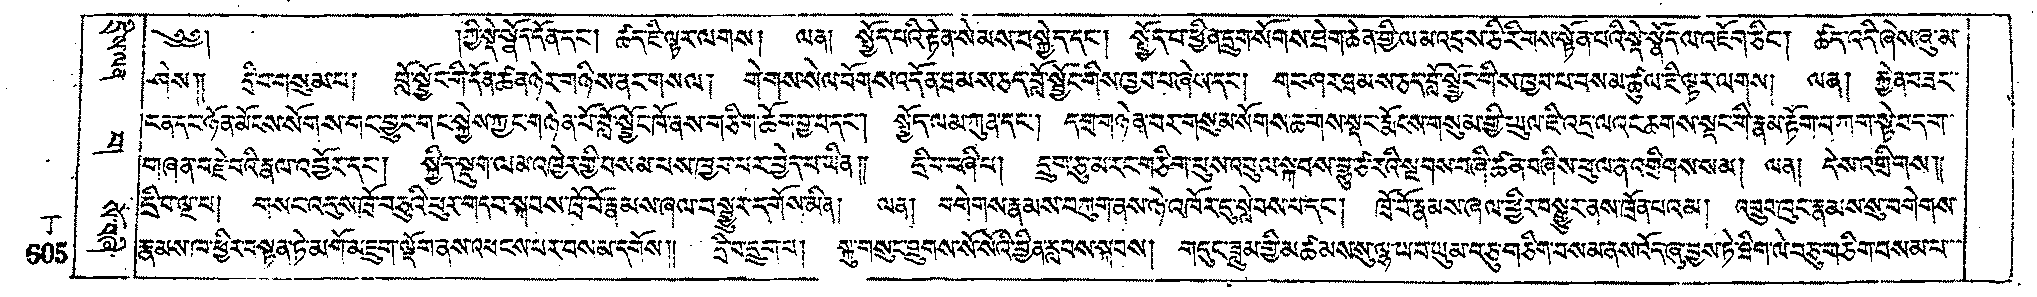༄༅། །ཀྱི་སྡེ་སྣོད་དོན་དང་། ཚད་ཇི་ལྟར་ལགས། ལན། སྤྱོད་པའི་རྟེན་སེམས་བསྐྱེད་དང་། སྤྱོད་པ་ཕྱིན་དྲུག་སོགས་ཐེག་ཆེན་གྱི་ལམ་འབྲས་ཅི་རིགས་སྟོན་པའི་སྡེ་སྣོད་ལ་འཇོག་ཅིང་། ཚད་འདི་ཞེས་ཞུ་མ་
ཤེས།། དྲི་བ་གསུམ་པ། བློ་སྦྱོང་གི་དོན་ཚན་ཉེར་གཉིས་ནང་གསལ། གེགས་སེལ་བོགས་འདོན་ཐམས་ཅད་བློ་སྦྱོང་གིས་ཁྱབ་པ་ཞེས་དང་། གང་ཤར་ཐམས་ཅད་བློ་སྦྱོང་གིས་ཁྱབ་པ་བསམ་ཚུལ་ཇི་ལྟར་ལགས། ལན། རྐྱེན་བཟང་་་
ངན་དང་ཉོན་མོངས་སོགས་གང་བྱུང་གང་སྐྱེས་ཀྱང་གཉེན་པོ་བློ་སྦྱོང་ཁོ་ནས་གཅིག་ཆོག་བྱ་བ་དང་། སྤྱོད་ལམ་ཀུན་དང་། དགྲ་གཉེན་བར་གསུམ་སོགས་ཆགས་སྡང་རྨོངས་གསུམ་གྱི་ཡུལ་ཇི་འདྲ་ལའང་ཆགས་སྡང་གི་རྣམ་རྟོག་བཀག་སྟེ་བདག་་་
གཞན་བརྗེ་བའི་རྣལ་འབྱོར་དང་། སྐྱིད་སྡུག་ལམ་འཁྱེར་གྱི་བསམ་པས་ཁྱབ་པར་བྱེད་པ་ཡིན།། དྲི་བ་བཞི་པ། དྲུག་ཅུ་མ་རང་གཅིག་པུས་འབུལ་སྐབས་བྷུ་ཙ་རའི་སྔགས་བཞི་ཚན་བཞིས་ཕུལ་ན་འགྲིགས་སམ། ལན། དེས་འགྲིགས།།
དྲི་བ་ལྔ་པ། གསང་འདུས་ཁྲོ་བཅུའི་ཕུར་གདབ་སྐབས་ཁྲོ་བོ་རྣམས་ཞལ་བསྒྱུར་དགོས་མིན། ལན། བགེགས་རྣམས་བཀུག་ནས་ཉེ་འཁོར་དུ་སླེབས་པ་དང་། ཁྲོ་བོ་རྣམས་ཞལ་ཕྱིར་བསྒྱུར་ནས་ཁྲོན་པའམ། འབྲུབ་ཁུང་རྣམས་སུ་བགེགས་
རྣམས་ཁ་ཕྱིར་བསྟན་ཏེ་མགོ་མཇུག་ལྡོག་ནས་འཕངས་པར་བསམ་དགོས།། དྲི་བ་དྲུག་པ། སྐུ་གསུང་ཐུགས་སོ་སོའི་བྱིན་རླབས་སྐབས། གདུང་ཟླུམ་གྱི་མཚམས་སུ་ལྷ་ཡབ་ཡུམ་བཅུ་གཅིག་བསམ་ནས་འོད་ཞུ་བྱས་ཏེ་ཐིག་ལེ་བཅུ་གཅིག་བསམ་པ་་་